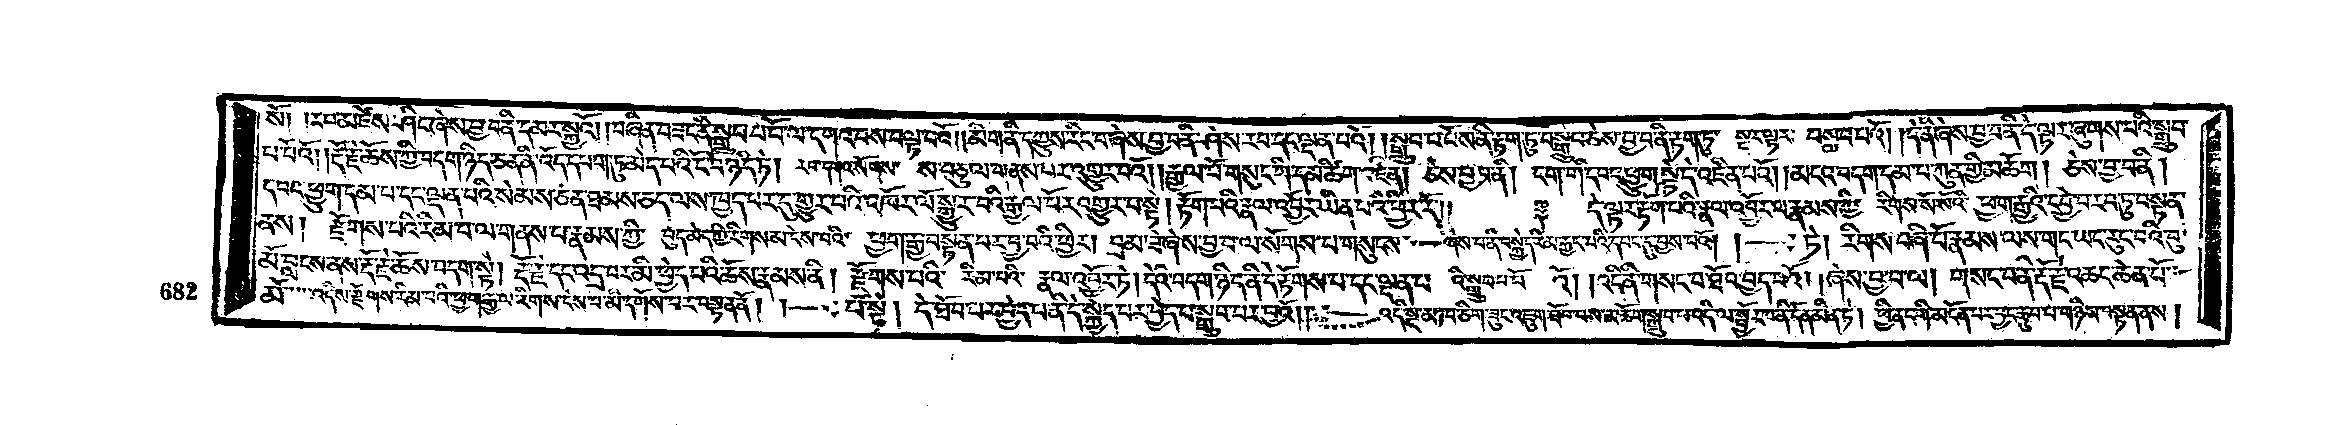སོ། །རབ་མཛེས་ཤིང་ཞེས་བྱ་བ་ནི་དམར་སྐྱའོ། །བཞིན་བཟང་ནི་སྒྲུབ་པ་པོ་ལ་དགའ་བས་བལྟ་བའོ། །མིག་ནི་དཀྱུས་རིང་བ་ཞེས་བྱ་བ་ནི་ཤེས་རབ་དང་ལྡན་པའོ། །སྒྲུབ་པ་པོས་ནི་རྟག་ཏུ་བསྒྲུབ་ཅེས་བྱ་བ་ནི་རྟག་ཏུ་སྔར་ལྟར་བསླབ་པའོ། །དེ་ནི་ཞེས་བྱ་བ་ནི་དེ་ལྟར་ཞུགས་པའི་སྒྲུབ་
པ་པོའོ། །རྡོ་རྗེ་ཆོས་ཀྱི་བདག་ཉིད་ཅན་ནི་འོད་དཔག་ཏུ་མེད་པའི་ངོ་བོ་ཉིད་ཏེ། རབ་དགའ་སོགས་ས་བཅུ་ལ་གནས་པར་འགྱུར་བའོ། །རྒྱལ་པོ་གསུང་གི་དམ་ཚིག་འཛིན། ཅེས་བྱ་བ་ནི། ངག་གི་དབང་ཕྱུག་སྟེ་དེ་འཛིན་པའོ། །མངའ་བདག་དམ་པ་ཀུན་གྱི་མཆོག །ཅེས་བྱ་བ་ནི།
དབང་ཕྱུག་དམ་པ་དང་ལྡན་པའི་སེམས་ཅན་ཐམས་ཅད་ལས་ཁྱད་པར་དུ་གྱུར་པའི་འཁོར་ལོ་སྒྱུར་བའི་རྒྱལ་པོར་འགྱུར་བ་སྟེ། རྟོག་པའི་རྣལ་འབྱོར་ཡིན་པའི་ཕྱིར་རོ།། ༈ དེ་ལྟར་རྟོག་པའི་རྣལ་འབྱོར་པ་རྣམས་ཀྱི་རིགས་སོ་སོའི་ཕྱག་རྒྱའི་དབྱེ་བ་རབ་ཏུ་བསྟན་
ནས། རྫོགས་པའི་རིམ་པ་ལ་གནས་པ་རྣམས་ཀྱི་བུད་མེད་ཀྱི་རིགས་མ་ངེས་པའི་ཕྱག་རྒྱ་བསྟན་པར་བྱ་བའི་ཕྱིར། བྲམ་ཟེ་ཞེས་བྱ་བ་ལ་སོགས་པ་གསུངས་H.་ཞེས་པ་ནི་བསྐྱེད་རིམ་རྐྱང་བའི་དབང་དུ་བྱས་པའོ། །.H ཏེ། རིགས་བཞི་པོ་རྣམས་ལས་གང་ཡང་རུང་བའི་བུ་
མོ་བླངས་ནས་རྡོ་རྗེ་ཆོས་བདག་སྟེ། རྡོ་རྗེ་དང་འདྲ་བར་མི་ཕྱེད་པའི་ཆོས་རྣམས་ནི། རྫོགས་པའི་རིམ་པའི་རྣལ་འབྱོར་ཏེ། དེའི་བདག་ཉིད་ནི་དེ་རྟོགས་པ་དང་ལྡན་པའི་སྒྲུབ་པ་པོའོ། །འདི་ནི་གསང་བ་ཐོབ་བྱེད་པའོ། །ཞེས་བྱ་བ་ལ། གསང་བ་ནི་རྡོ་རྗེ་འཆང་ཆེན་པོ་H.
མོ་འདིས་རྫོགས་རིམ་པའི་ཕྱག་རྒྱལ་རིགས་ངེས་པ་མི་དགོས་པར་བསྟན་ནོ། །.H པོ་སྟེ། དེ་ཐོབ་པར་བྱེད་པ་ནི་དེ་སྐྱེད་པར་བྱེད་བསྒྲུབ་པར་བྱའོ།།H.་འདི་སྔ་མ་ཁ་ཅིག་ཟུང་འཇུག་ཐོབ་པས་མཆོག་སྒྲུབ་པ་འདི་ལ་སྦྱོར་བ་ནི་དོན་མིན་ཏེ། ཕྱི་ནང་གི་མངོན་པར་བྱང་ཆུབ་པ་གཉིས་བསྟན་ནས།